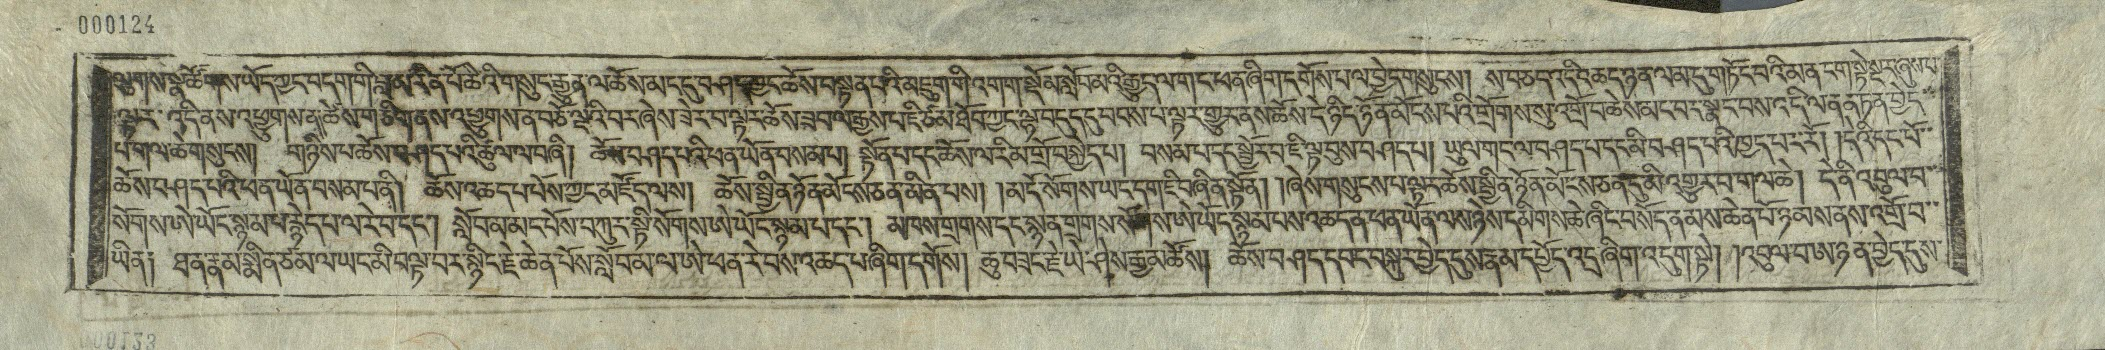ལུགས་སྣ་ཚོགས་ཡོད་ཀྱང་བདག་གི་བླ་མ་རིན་པོ་ཆེའི་གསུང་རྒྱུན་ལ་ཆོས་མང་དུ་བཤད་ཀྱང་ཆོས་བསྟན་པའི་མཇུག་གི་འགག་སྡོམ་སློབ་མའི་རྒྱུད་ལ་གང་ཕན་ཞིག་དགོས་པ་ལ་བྱེད་གསུངས། ས་བཅད་འདི་འཆད་ཉན་ལམ་དུ་གཏོང་བའི་མན་ངག་སྟེ་སྔར་ཞུས་པ་
ལྟར་འདི་ནས་འཕྱུགས་ན་ཚེས་གཅིག་ནས་འཕྱུགས་ན་བཅོ་ལྔའི་བར་ཞེས་ཟེར་བ་ལྟར་ཆོས་ཟབ་ལ་རྒྱས་པ་ཇི་ཙམ་ཐོབ་ཀྱང་ལྷ་བདུད་དུ་བབས་པ་ལྟར་གྱུར་ནས་ཆོས་དེ་ཉིད་ཉོན་མོངས་པའི་གྲོགས་སུ་འགྲོ་བ་ཆེས་མང་བར་སྣང་བས་འདི་ལ་ནན་ཏན་བྱེད་
པ་གལ་ཆེ་གསུངས། གཉིས་པ་ཆོས་བཤད་པའི་ཚུལ་ལ་བཞི། ཆོས་བཤད་པའི་ཕན་ཡོན་བསམ་པ། སྟོན་པ་དང་ཆོས་ལ་རིམ་གྲོ་བསྐྱེད་པ། བསམ་པ་དང་སྦྱོར་བ་ཇི་ལྟ་བུས་བཤད་པ། ཡུལ་གང་ལ་བཤད་པ་དང་མི་བཤད་པའི་ཁྱད་པར་རོ། །དེའི་དང་པོ་
ཆོས་བཤད་པའི་ཕན་ཡོན་བསམ་པ་ནི། ཆོས་འཆད་པ་པོས་ཀྱང་མཛོད་ལས། ཆོས་སྦྱིན་ཉོན་མོངས་ཅན་མིན་པས། །མདོ་སོགས་ཡང་དག་ཇི་བཞིན་སྟོན། །ཞེས་གསུངས་པ་ལྟར་ཆོས་སྦྱིན་ཉོན་མོངས་ཅན་དུ་མི་འགྱུར་བ་གལ་ཆེ། དེ་ནི་འབུལ་བ་
སོགས་ཨེ་ཡོང་སྙམ་པ་རྙེད་པ་ལ་རེ་བ་དང་། སློབ་མ་མང་པོས་བཀུར་སྟི་སོགས་ཨེ་ཡོང་སྙམ་པ་དང་། མཁས་གྲགས་དང་སྙན་གྲགས་སོགས་ཨེ་ཡོད་སྙམ་པས་འཆད་ན་ཕན་ཡོན་ལས་ཉེས་དམིགས་ཆེ་ཞིང་བསོད་ནམས་ཆེན་པོ་ཉམས་ནས་འགྲོ་བ་
ཡིན༑ ཐ་ན་རྣམ་སྨིན་ཙམ་ལ་ཡང་མི་བལྟ་བར་སྙིང་རྗེ་ཆེན་པོས་སློབ་མ་ལ་ཨེ་ཕན་རེ་བས་འཆད་པ་ཞིག་དགོས། ཆུ་བཟང་རྗེ་ཡེ་ཤེས་རྒྱ་མཚོས། ཆོས་བཤད་དབང་བསྐུར་བྱེད་དུས་རྣམ་དཔྱོད་འདྲ་ཞིག་འདུག་སྟེ། །འབུལ་བ་ཨ་ཉན་བྱེད་དུས་